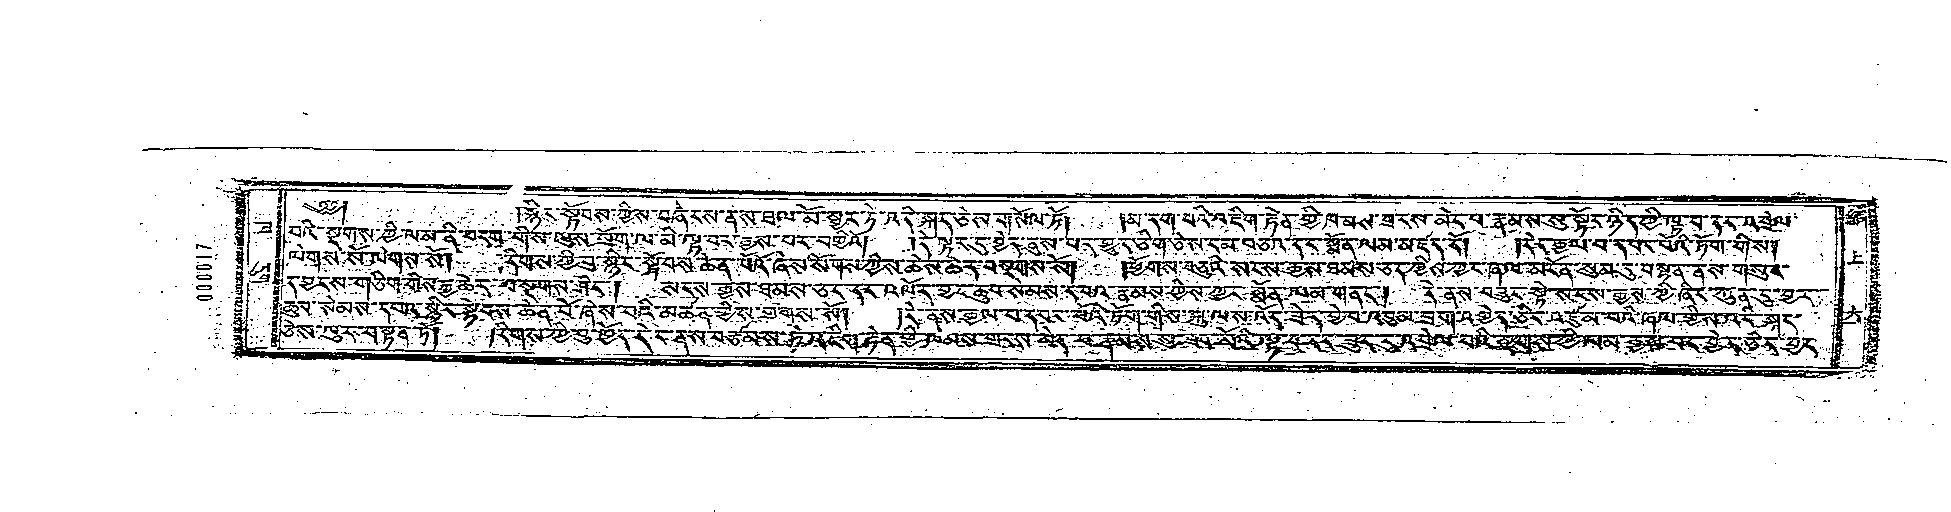༄༅། །སྙིང་སྟོབས་ཀྱིས་བཞེངས་ནས་ཐལ་མོ་སྦྱར་ཏེ་འདི་སྐད་ཅེས་གསོལ་ཏོ། །མ་དག་པའི་འཇིག་རྟེན་གྱི་ཁམས་གྲངས་མེད་པ་རྣམས་སུ་སྟོང་ཉིད་ཀྱི་ལྟ་བ་དང་འབྲེལ་
བའི་སྔགས་ཀྱི་ལམ་ནི་བདག་གིས་ལུས་སྲོག་ལ་མི་ལྟ་བར་རྒྱས་པར་བགྱིའོ། །དེ་ལྟར་དུ་བྱེད་ནུས་པར་གྱུར་ཅིག་ཅེས་དམ་བཅའ་དང་སྨོན་ལམ་མཛད་དོ། །དེར་རྒྱལ་བ་དབང་པོའི་ཏོག་གིས།
ལེགས་སོ་ལེགས་སོ། །རིགས་ཀྱི་བུ་སྙིང་སྟོབས་ཆེན་པོའོ་ཞེས་སོགས་ཀྱིས་ཆེས་ཆེར་བསྔགས་སོ། །ཕྱོགས་བཅུའི་སངས་རྒྱས་ཐམས་ཅད་ཀྱིས་ཀྱང་ཞལ་མངོན་སུམ་དུ་བསྟན་ནས་གསུང་
དབྱངས་གཅིག་གིས་རྒྱ་ཆེར་བསྔགས་ཤིང་། སངས་རྒྱས་ཐམས་ཅད་དང་འཁོར་བྱང་ཆུབ་སེམས་དཔའ་རྣམས་ཀྱིས་ཀྱང་སྨོན་ལམ་གནང་། དེ་ནས་བཟུང་སྟེ་སངས་རྒྱས་ཀྱི་ཞིང་ཀུན་དུ་བྱང་
ཆུབ་སེམས་དཔའ་སྙིང་སྟོབས་ཆེན་པོ་ཞེས་པའི་མཚན་གྱིས་གྲགས་སོ། །དེ་ནས་རྒྱལ་བ་དབང་པོའི་ཏོག་གིས་སྐུ་ལས་འོད་ཟེར་བྱེ་བ་འབུམ་ཕྲག་འགྱེད་ཅིང་འཛུམ་བའི་ཞལ་གྱིས་འདི་སྐད་
ཅེས་ལུང་བསྟན་ཏོ། །རིགས་ཀྱི་བུ་ཁྱོད་དེང་ནས་བརྩམས་ཏེ་འཇིག་རྟེན་གྱི་ཁམས་གྲངས་མེད་པ་རྣམས་སུ་ཟབ་མོའི་ལྟ་བ་དང་ཟུང་དུ་འབྲེལ་བའི་སྔགས་ཀྱི་ལམ་རྒྱས་པར་བྱེད་ཅིང་བྱར་